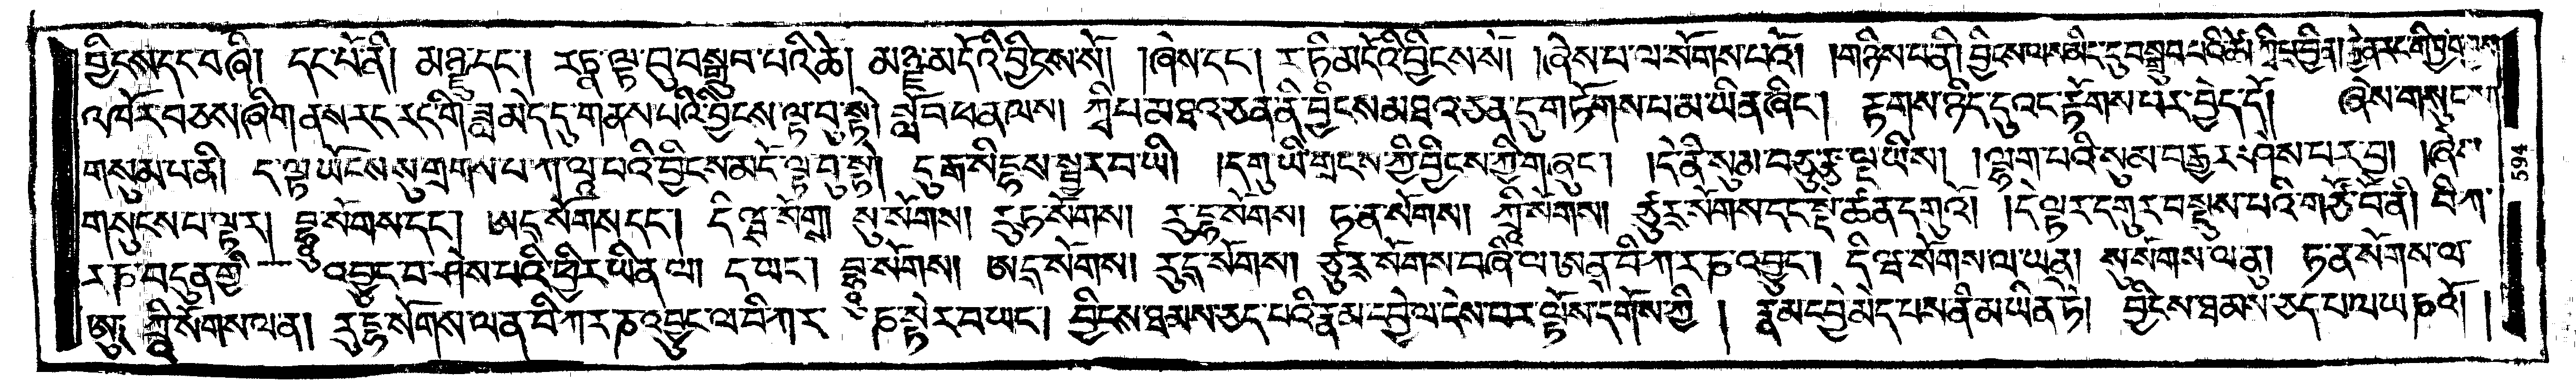བྱིངས་དང་བཞི། དང་པོ་ནི། མཉྫུ་དང་། རཏྣ་ལྟ་བུ་བསྒྲུབ་པའི་ཆེ། མཉྫ་མདོའི་བྱིངས་སོ། །ཞེས་དང་། ར་ཏི་མདོའི་བྱིངས་སོ། །ཞེས་པ་ལ་སོགས་པའོ། །གཉིས་པ་ནི། བྱིངས་ལས་མིང་དུ་བསྒྲུབ་པའི་ཚེ་ཀྲི་པ་བྱིན། རྐྱེན་རང་གི་བྱ་བ་ལས་
འཁོར་བཅས་ཞིག་ནས་རང་རང་གི་ཟླ་མེད་དུ་གནས་པའི་བྱིངས་ལྟ་བུ་སྟེ། སློབ་ཕན་ལས། ཀྭི་པ་མཐའ་ཅན་ནི་བྱིངས་མཐའ་ཅན་དུ་གཏོགས་པ་མ་ཡིན་ཞིང་། རྟགས་ཉིད་དུའང་རྟོགས་པར་བྱེད་དོ། ཞེས་གསུངས་
གསུམ་པ་ནི། ད་ལྟ་ཡོངས་སུ་གྲགས་པ་ཀ་ལཱ་བའི་བྱིངས་མདོ་ལྟ་བུ་སྟེ། དུ་རྒ་སིདྷས་སྦྱར་བ་ཡི། །དགུ་ཡི་གྲངས་ཀྱི་བྱིངས་ཀྱི་གཞུང་། །དེ་ནི་སུམ་བཅུ་རྩ་ལྔ་ཡིས། །ལྷག་པའི་སུམ་བརྒྱར་ཤེས་པར་བྱ། །ཞེས་
གསུངས་པ་ལྟར། བྷཱུ་སོགས་དང་། ཨདུ་སོགས་དང་། དི་ཝུ་སོགས། སུ་སོགས། རུ་ཏ་སོགས། རུ་དྷ་སོགས། ཏ་ན་སོགས། ཀྲཱི་སོགས། ཙུརུ་སོགས་དང་སྡེ་ཚན་དགུའོ། །དེ་ལྟར་དགུར་བསྡུས་པའི་གཙོ་བོ་ནི། བི་ཀ་
ར་ཎ་བདུན་གྱི་འབྱུང་བ་ཤེས་པའི་ཕྱིར་ཡིན་ལ། ད་ཡང་། བྷཱུ་སོགས། ཨདུ་སོགས། རུདུ་སོགས། ཙུརུ་སོགས་བཞི་ལ་ཨནུ་བི་ཀ་ར་ཎ་འབྱུང་། དི་ཝ་སོགས་ལ་ཡནུ། སུ་སོགས་ལ་ནུ། ཏ་ན་སོགས་ལ་
ཨུ། ཀྲཱི་སོགས་ལན། རུ་དྷ་སོགས་ལན་བི་ཀ་ར་ཎ་འབྱུང་ལ་བི་ཀར་ཎ་སྟེར་བ་ཡང་། བྱིངས་ཐམས་ཅད་པའི་རྣམ་དབྱེ་ལ་ངེས་པར་ལྟོས་དགོས་ཀྱི། རྣམ་དབྱེ་མེད་པས་ནི་མ་ཡིན་ཏེ། བྱིངས་ཐམས་ཅད་པ་ལ་ཡཎའོ། །